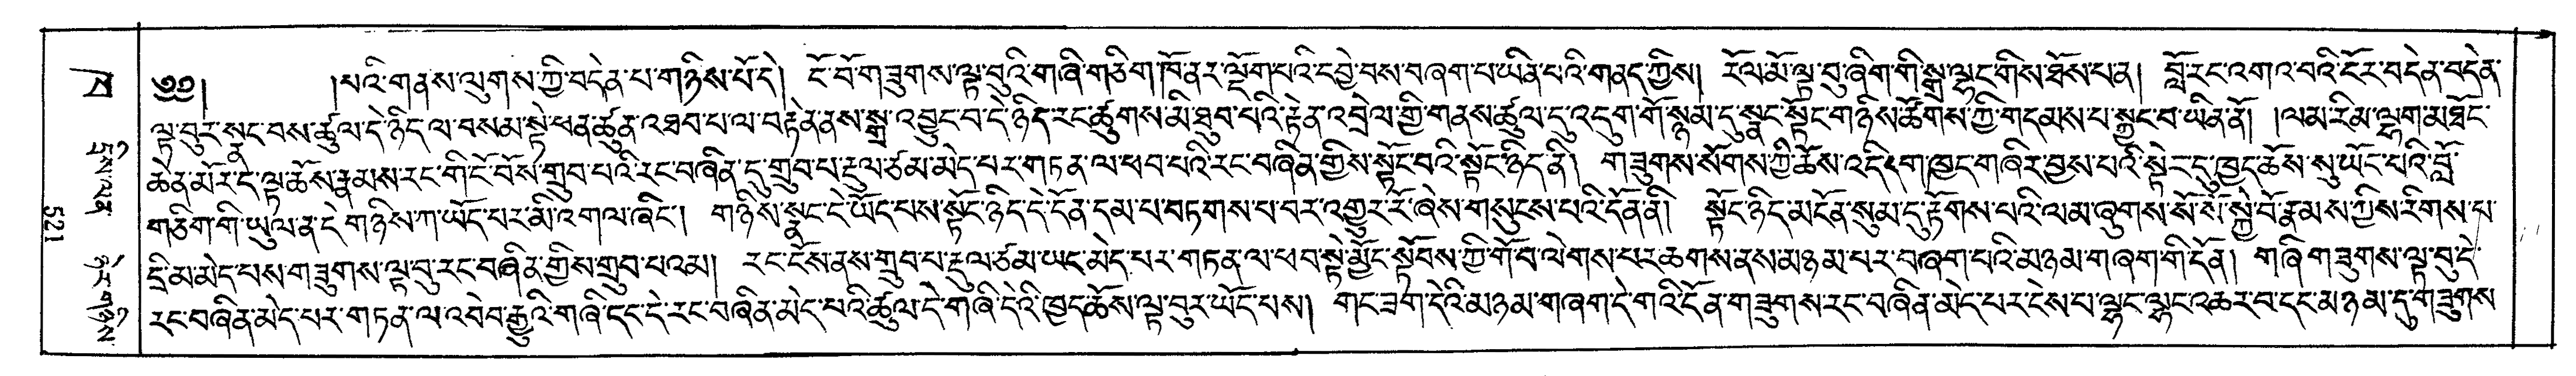༄༅། །པའི་གནས་ལུགས་ཀྱི་བདེན་པ་གཉིས་པོ་དེ། ངོ་བོ་གཟུགས་ལྟ་བུའི་གཞི་གཅིག་ཁོ་ནར་ལྡོག་པའི་དབྱེ་བས་བཞག་པ་ཡིན་པའི་གནད་ཀྱིས། རོལ་མོ་ལྟ་བུ་ཞིག་གི་སྒྲ་ལྷང་གིས་ཐོས་པ་ན། བློ་རང་འགའ་བའི་ངོར་བདེན་བདེན་
ལྟ་བུར་སྣང་བས་ཚུལ་དེ་ཉིད་ལ་བསམ་སྟེ་ཕན་ཚུན་འཐབ་པ་ལ་བརྟེན་ནས་སྒྲ་འབྱུང་བ་དེ་ཉིད་རང་ཚུགས་མི་ཐུབ་པའི་རྟེན་འབྲེལ་གྱི་གནས་ཚུལ་དུ་འདུག་གོ་སྙམ་དུ་སྣང་སྟོང་གཉིས་ཚོགས་ཀྱི་གདམས་པ་སྐྱོང་བ་ཡིན་ནོ། །ལམ་རིམ་ལྷག་མཐོང་
ཆེན་མོར་ད་ལྟ་ཆོས་རྣམས་རང་གི་ངོ་བོས་གྲུབ་པའི་རང་བཞིན་དུ་གྲུབ་པ་རྡུལ་ཙམ་མེད་པར་གཏན་ལ་ཕབ་པའི་རང་བཞིན་གྱིས་སྟོང་པའི་སྟོང་ཉིད་ནི། གཟུགས་སོགས་ཀྱི་ཆོས་འདི་དག་ཁྱད་གཞིར་བྱས་པའི་སྟེང་དུ་ཁྱད་ཆོས་སུ་ཡོད་པའི་བློ་
གཅིག་གི་ཡུལ་ན་དེ་གཉིས་ཀ་ཡོད་པར་མི་འགལ་ཞིང་། གཉིས་སྣང་དེ་ཡོད་པས་སྟོང་ཉིད་དེ་དོན་དམ་པ་བཏགས་པ་བར་འགྱུར་རོ་ཞེས་གསུངས་པའི་དོན་ནི། སྟོང་ཉིད་མངོན་སུམ་དུ་རྟོགས་པའི་ལམ་ཞུགས་སོ་སོ་སྐྱེ་བོ་རྣམས་ཀྱིས་རིགས་པ་
དྲི་མ་མེད་པས་གཟུགས་ལྟ་བུ་རང་བཞིན་གྱིས་གྲུབ་པའམ། རང་ངོས་ནས་གྲུབ་བ་རྡུལ་ཙམ་ཡང་མེད་པར་གཏན་ལ་ཕབ་སྟེ་མྱོང་སྟོབས་ཀྱི་གོ་བ་ལེགས་པར་ཆགས་ནས་མཉམ་པར་བཞག་པའི་མཉམ་གཞག་གི་ངོ་ན། གཞི་གཟུགས་ལྟ་བུ་དེ་
རང་བཞིན་མེད་པར་གཏན་ལ་འབེབ་རྒྱུའི་གཞི་དང་དེ་རང་བཞིན་མེད་པའི་ཚུལ་དེ་གཞི་དེའི་ཁྱད་ཆོས་ལྟ་བུར་ཡོད་པས། གང་ཟག་དེའི་མཉམ་གཞག་དེ་གའི་ངོ་ན་གཟུགས་རང་བཞིན་མེད་པར་ངེས་པ་ལྟང་ལྷང་འཆར་བ་དང་མཉམ་དུ་གཟུགས་